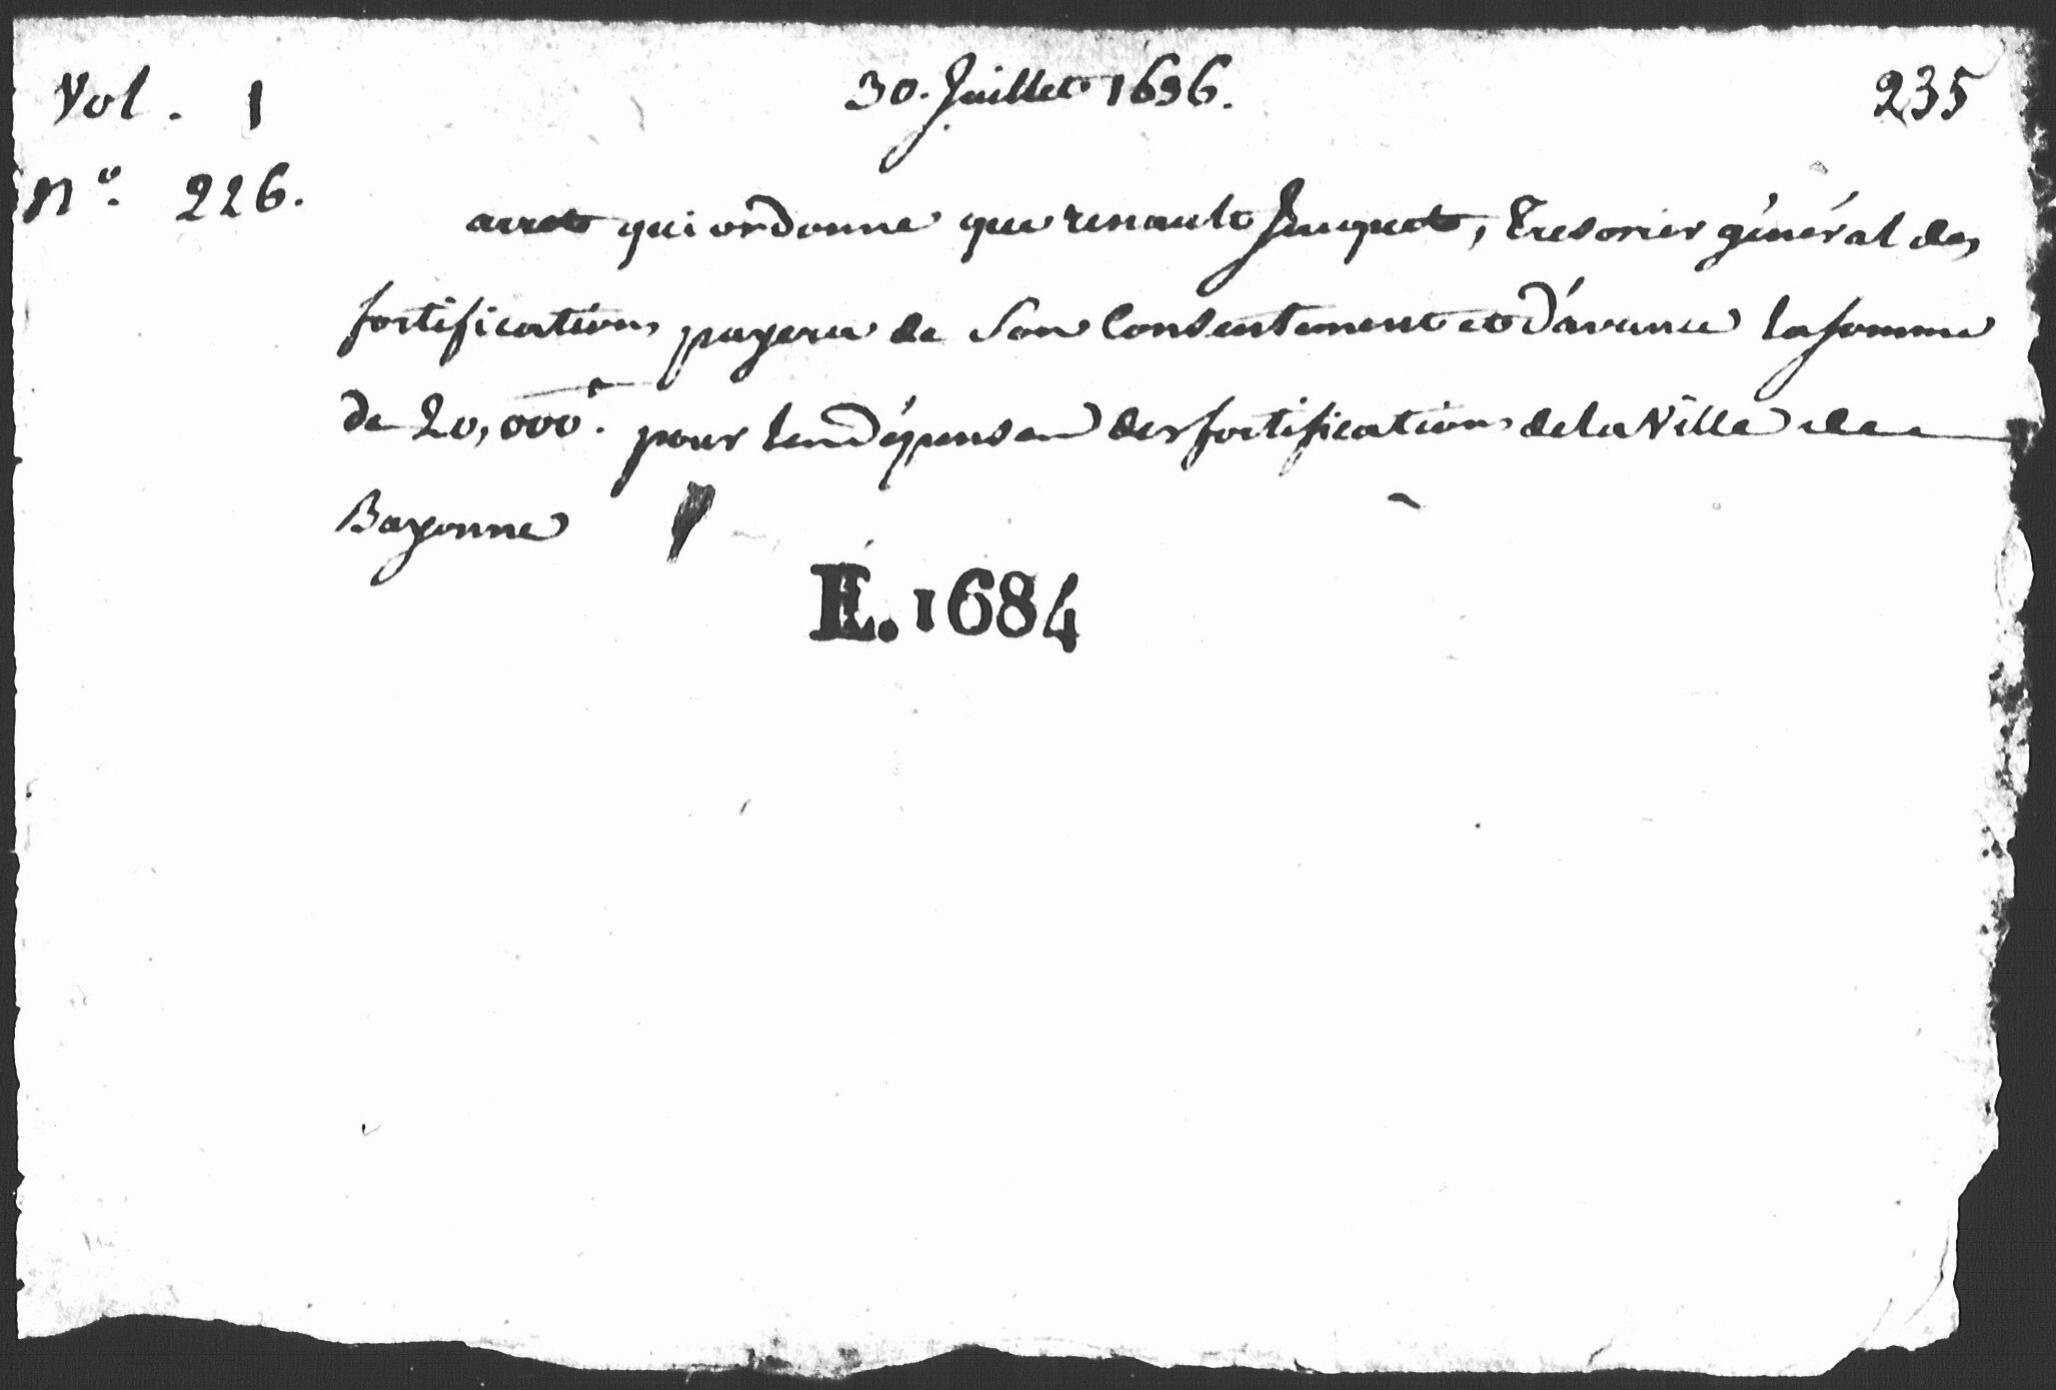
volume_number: n°226
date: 30 juillet 1636
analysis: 235
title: arret qui ordonne que Renault Jacquet, tresorier général des fortifications payera de son consentement et d'avance la somme de 20,000 # pour les dépenses des fortifications de la Ville de Bayonne
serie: E
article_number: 1684
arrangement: vol. 1
